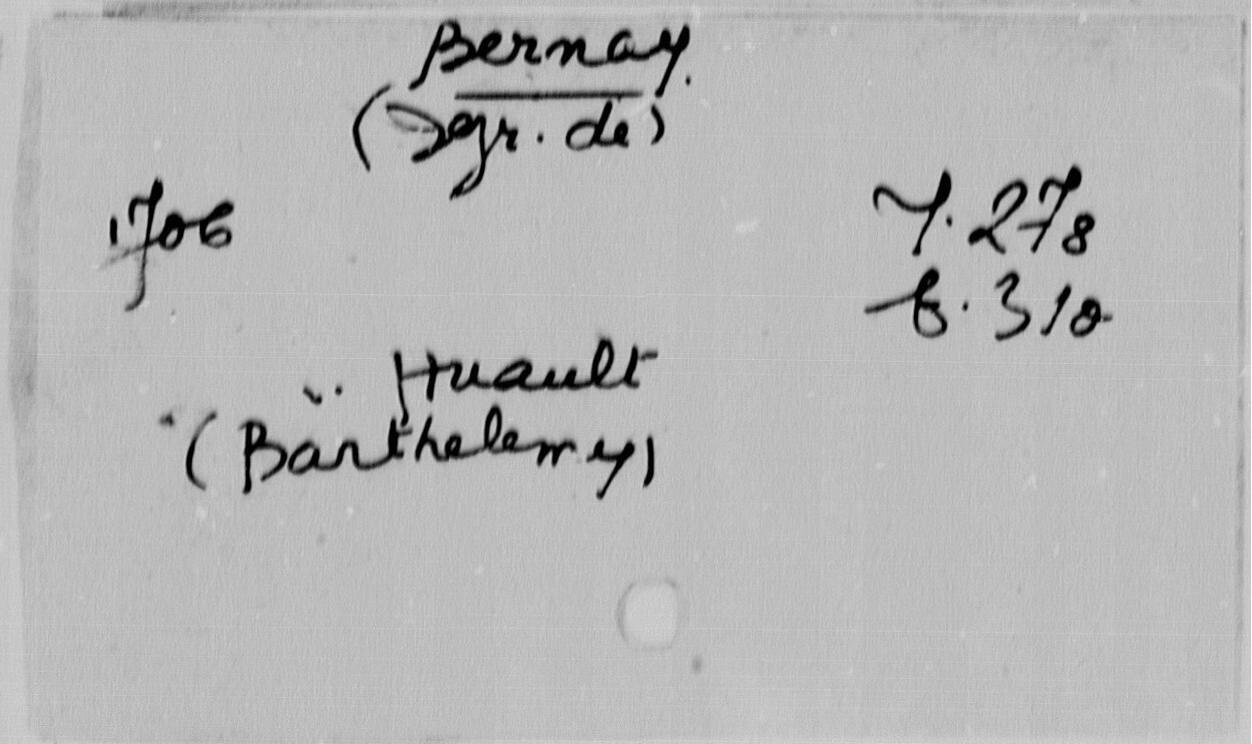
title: Bernay (Seigneur de)
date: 1706
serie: Y
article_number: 278
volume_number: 310
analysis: Voir Huault (Barthélemy)
